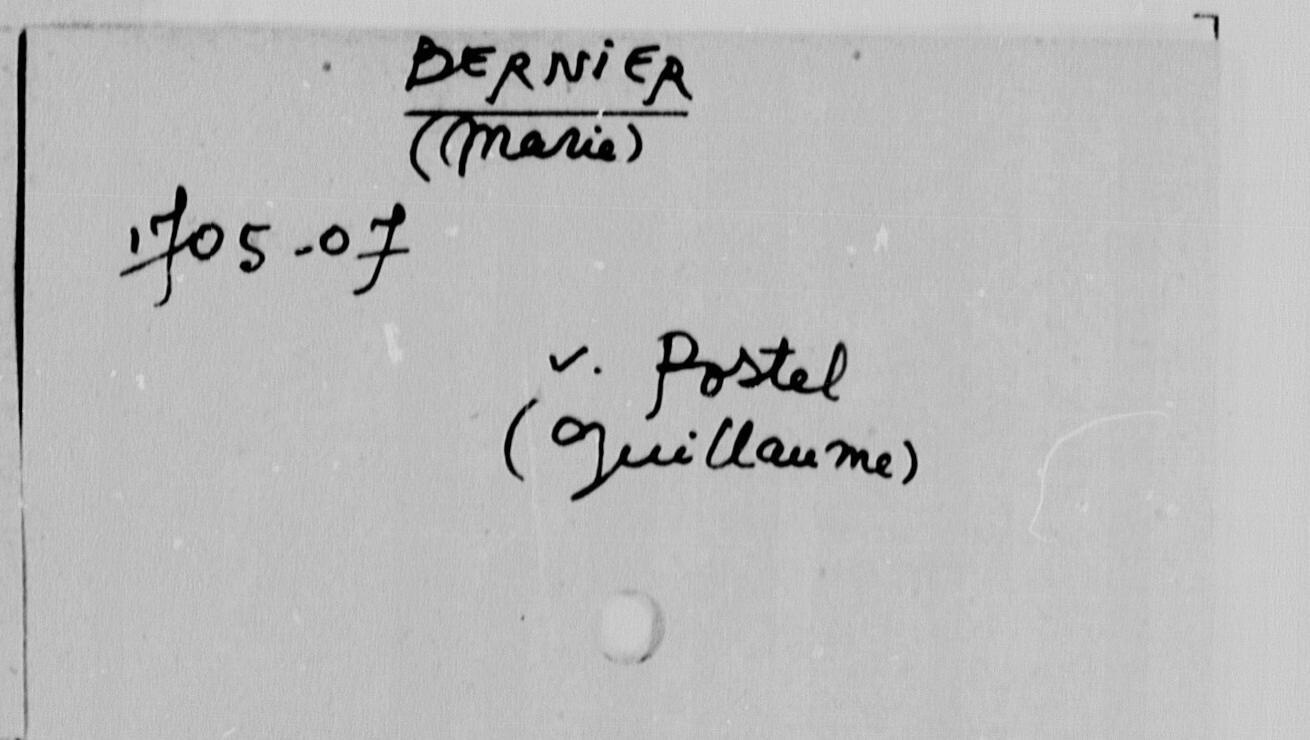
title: BERNIER (Marie)
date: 1705-1707
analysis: Voir Postel (Guillaume)
